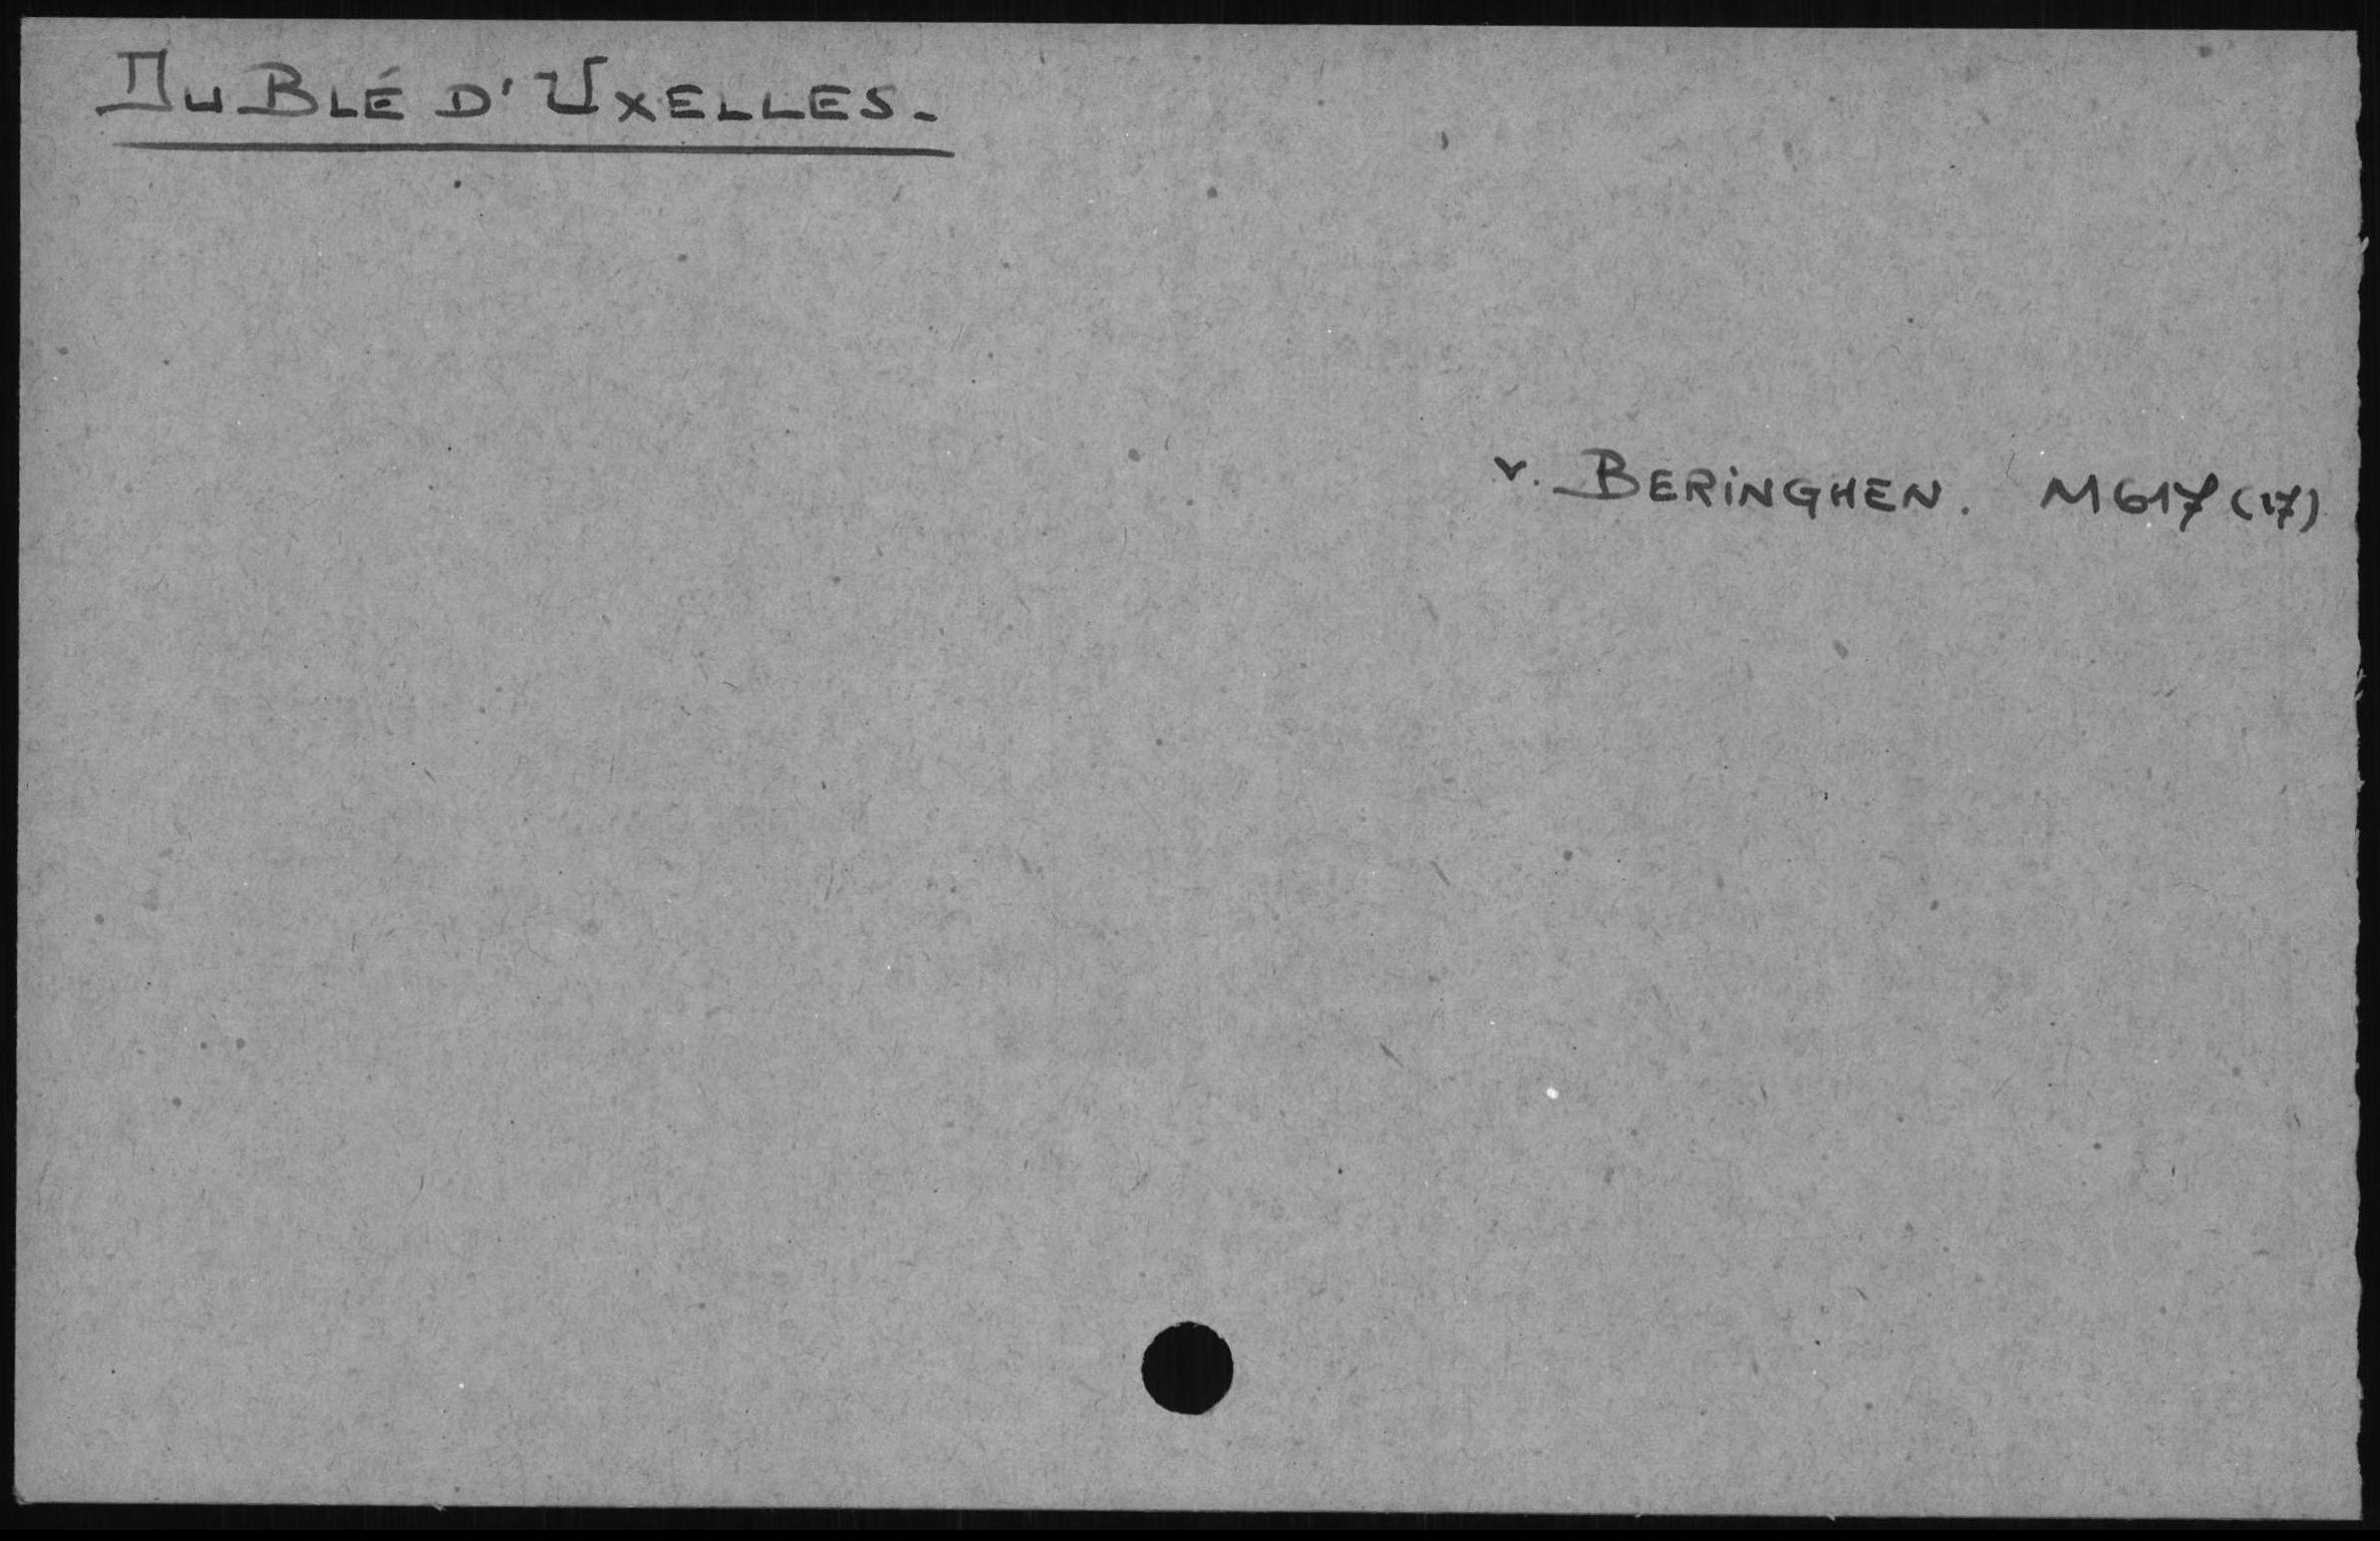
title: DU BLÉ D'UXELLES.
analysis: voir BERINGHEN.
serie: M
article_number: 617
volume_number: (17)
